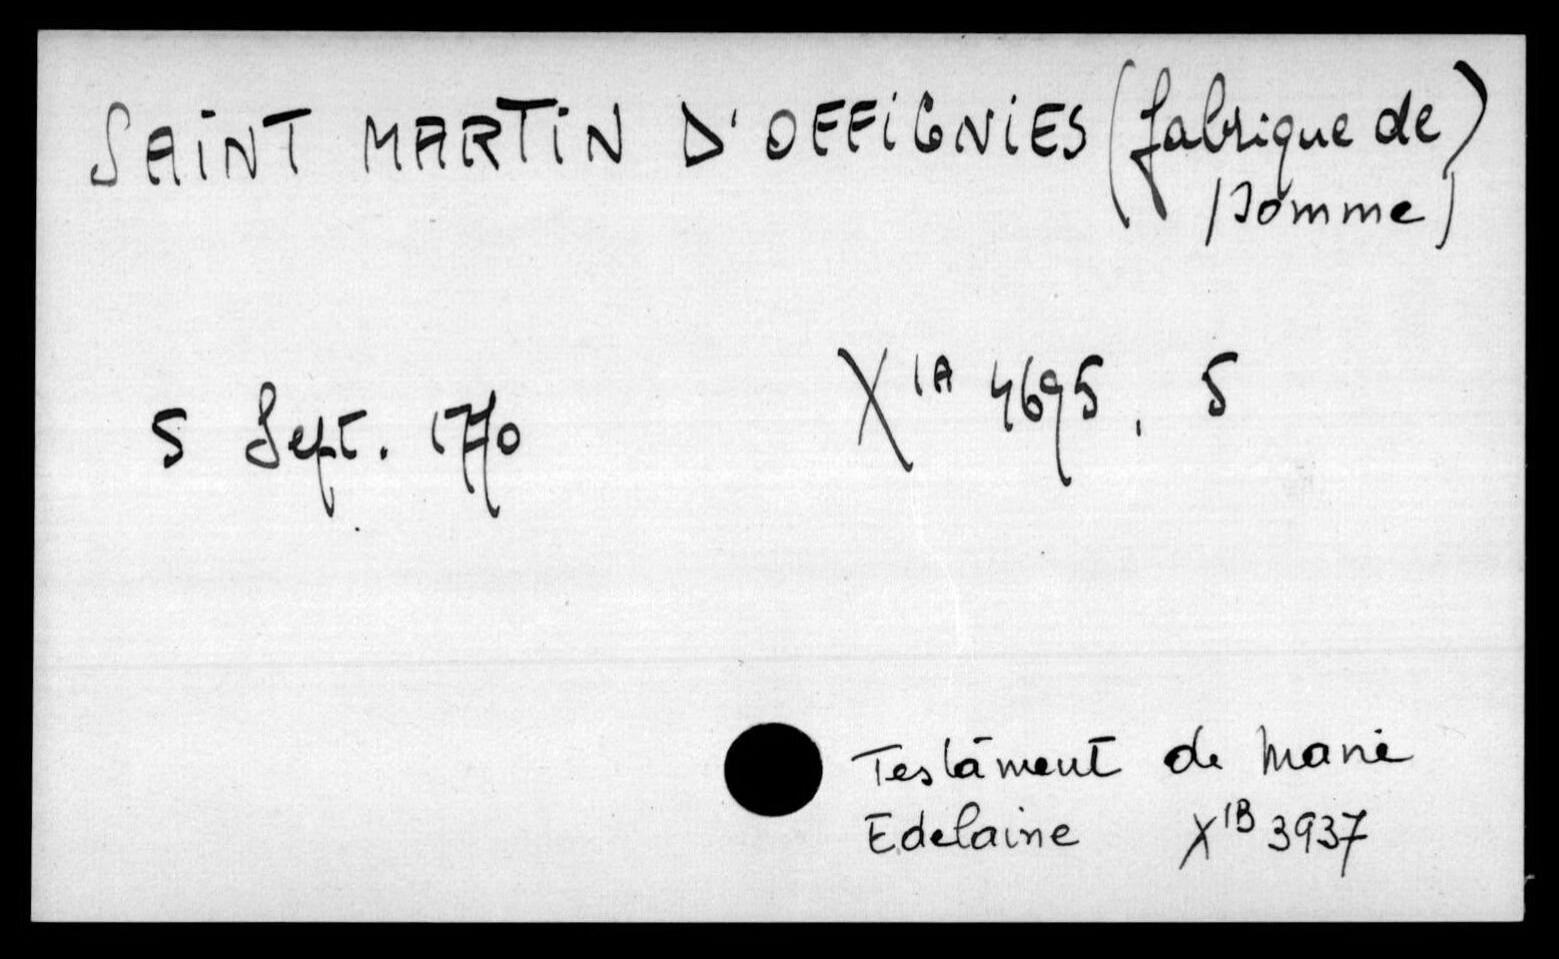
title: SAINT MARTIN D'OFFIGNIES (fabrique de) [Somme]
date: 5 septembre 1770
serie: X1A
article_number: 4695
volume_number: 5
